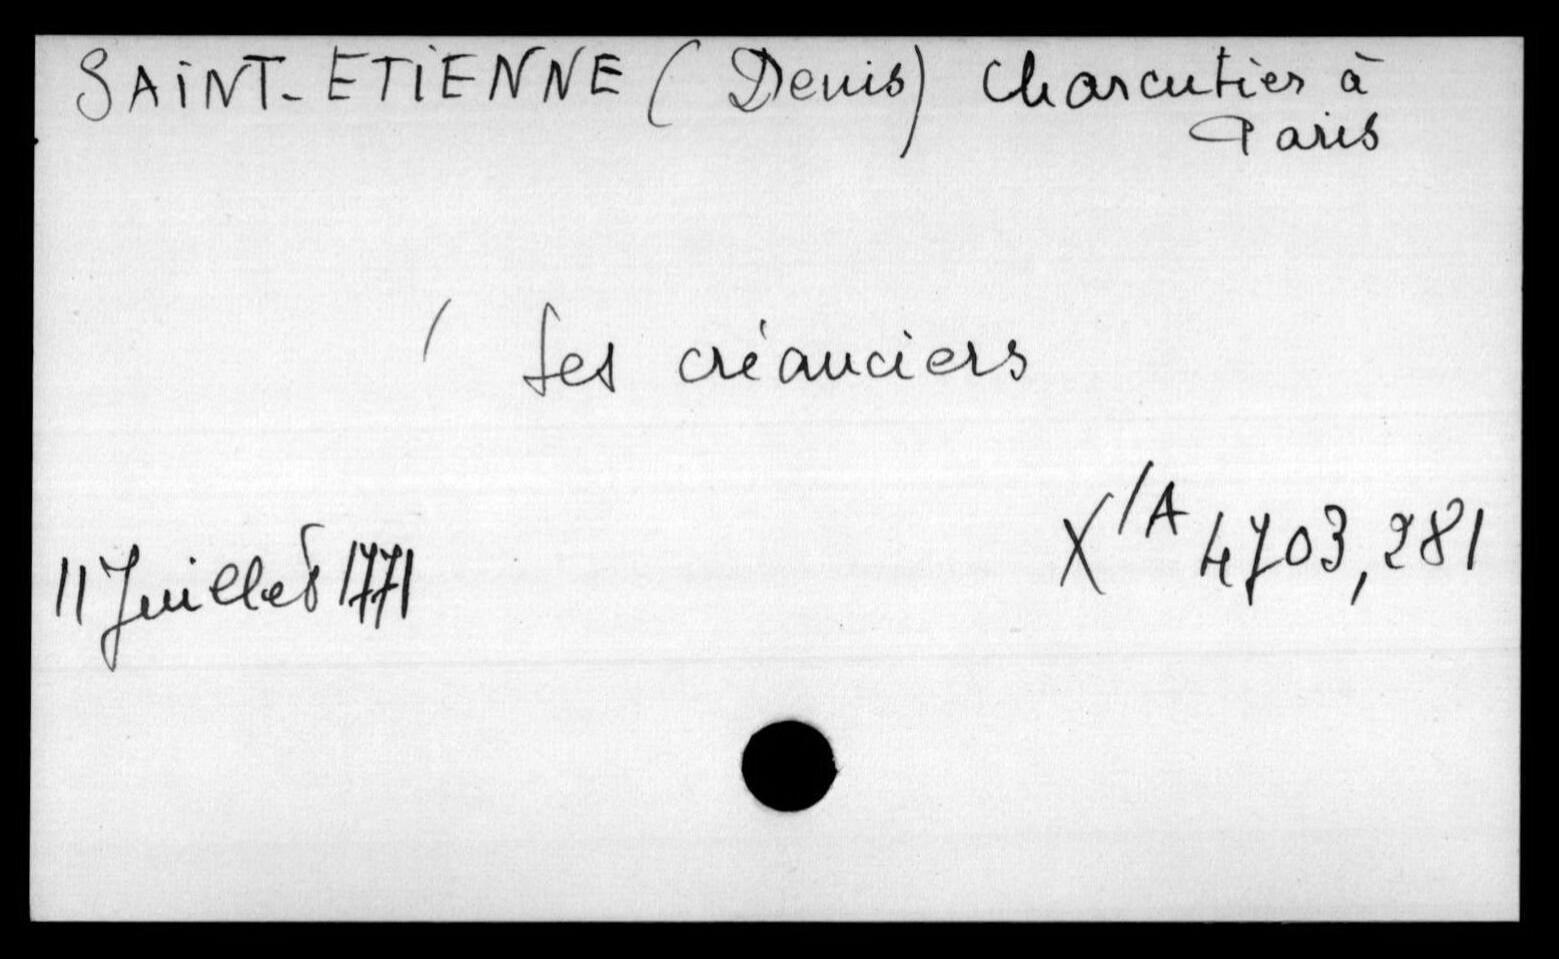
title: SAINT-ÉTIENNE (Denis) Charcutier à Paris
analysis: Contre ses créanciers
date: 11 juillet 1771
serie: X1A
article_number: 4703
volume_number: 281
